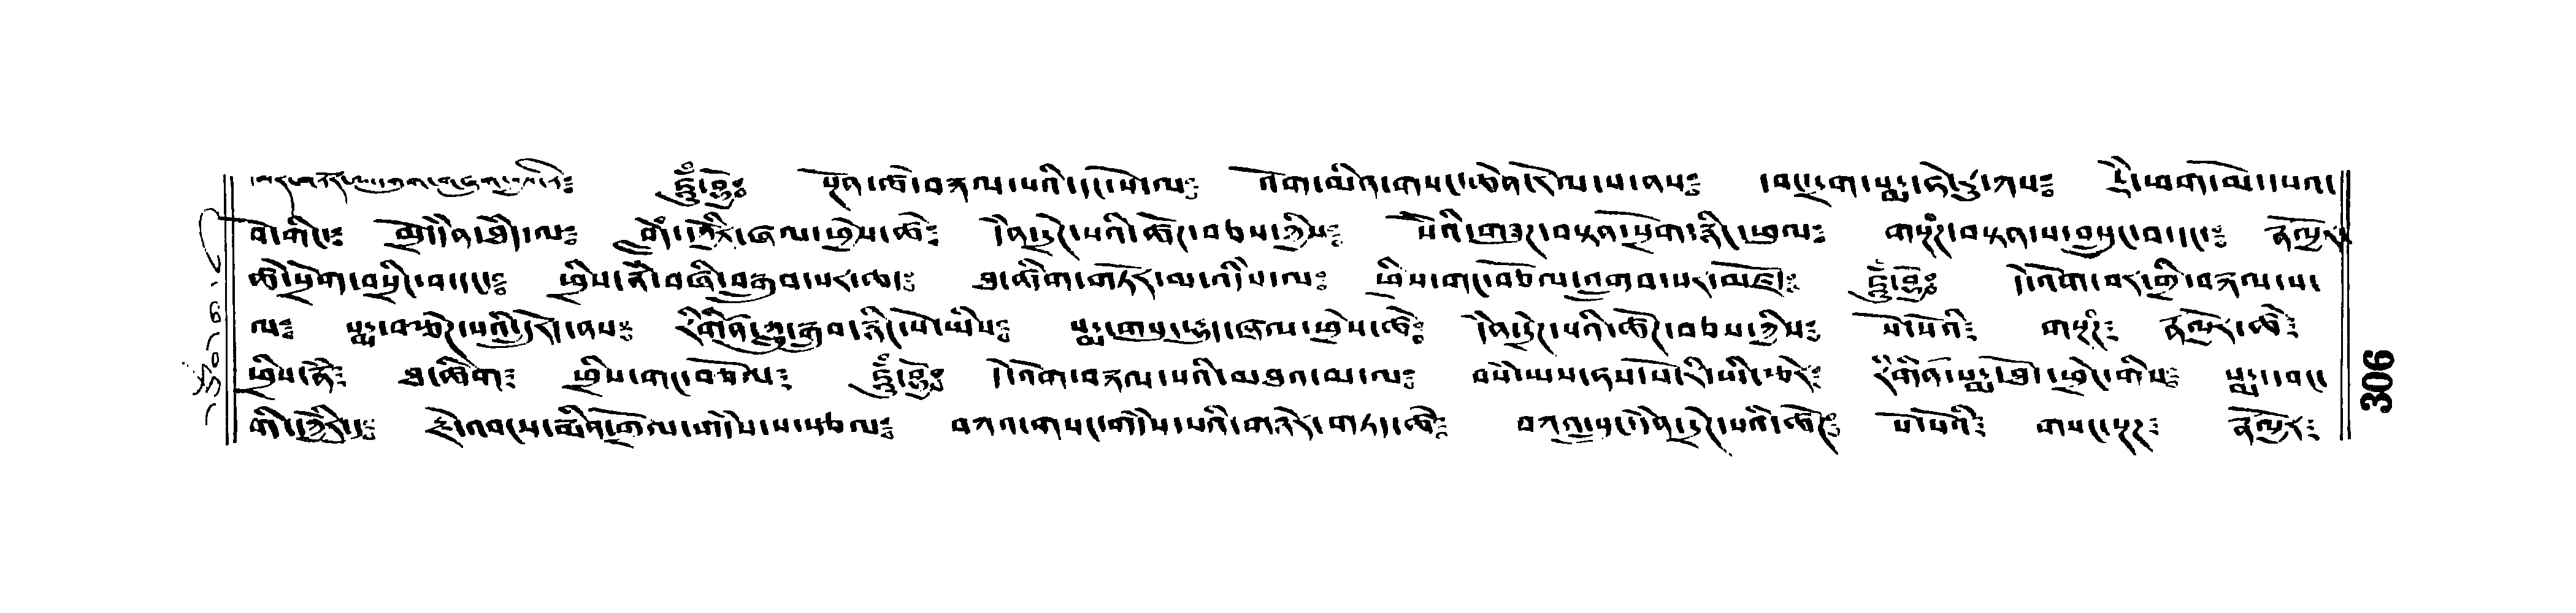དམར་གཏོར་ལ་དགུག་གཞུག་བྱས་ཏེ༔ ཧཱུྃ་བྷྱོ༔ སྔོན་ཚེ་བསྐལ་པའི་དང་པོ་ལ༔ འོག་མིན་གསང་ཆེན་རོལ་པ་ནས༔ དབང་དྲག་པདྨ་ཧེ་རུ་ཀས༔ རྡོ་རྗེ་ཕག་མོ་དཔའ་
བོ་གིང༔ མཁའ་འགྲོ་དམ་ཅན་ཐམས་ཅད་ལ༔ བླ་མེད་དཀྱིལ་འཁོར་ཞལ་ཕྱེས་ཚེ༔ དམ་ཅན་དྲེགས་པའི་ཚོགས་བཅས་ཀྱིས༔ སོ་སོའི་གཟུགས་བསྟན་སྲོག་སྙིང་ཕུལ༔ གསང་སྔགས་བསྟན་པ་བསྲུང་བ་དང༔ རྣལ་འབྱོར་
ཚེ་སྲོག་བསྲིང་བ་དང༔ ཕྲིན་ལས་རྣམ་བཞི་བསྒྲུབ་པར་ཆད༔ ཐ་ཚིག་གཏོར་མ་འདི་བཞེས་ལ༔ ཕྲིན་ལས་གང་བཅོལ་འགྲུབ་པར་མཛོད༔ ཧཱུྃ་བྷྱོཿ དེ་འོག་བར་གྱི་བསྐལ་པ་
ལ༔ པདྨ་བརྩེགས་པའི་དུད་ཁྲོད་ནས༔ རིག་འཛིན་ཀླུ་སྒྲུབ་སྙིང་པོ་ཡིས༔ པདྨ་གསུང་རྒྱུད་ཞལ་ཕྱེས་ཚེ༔ དམ་ཅན་དྲེགས་པའི་ཚོགས་བཅས་ཀྱིས༔ སོ་སོའི༴ གསང་སྔགས༴ རྣལ་འབྱོར་ཚེ༴ 
ཕྲིན་ལས་རྣམ༴ ཐ་ཚིག༴ ཕྲིན་ལས་གང་བཅོལ༴ ཧཱུྃ་བྷྱོཿ དེ་འོག་བསྐལ་པའི་མཐའ་མ་ལ༔ བསམ་ཡས་ཧས་པོ་རི་ཡི་རྩེར༔ རིག་འཛིན་པདྨ་ཐོད་ཕྲེང་གིས༔ པདྨ་དབང་
གི་དཀྱིལ་འཁོར་དུ༔ རྗེ་འབངས་སྨིན་གྲོལ་གདམས་པ་བསྩལ༔ བཀའ་གསང་གདམས་པའི་གཉེར་གཏད་ཚེ༔ བཀའ་སྲུང་དམ་ཅན་དྲེགས་པའི་ཚོགས༔ སོ་སོའི༴ གསང་སྔགས༴ རྣལ་འབྱོར༴